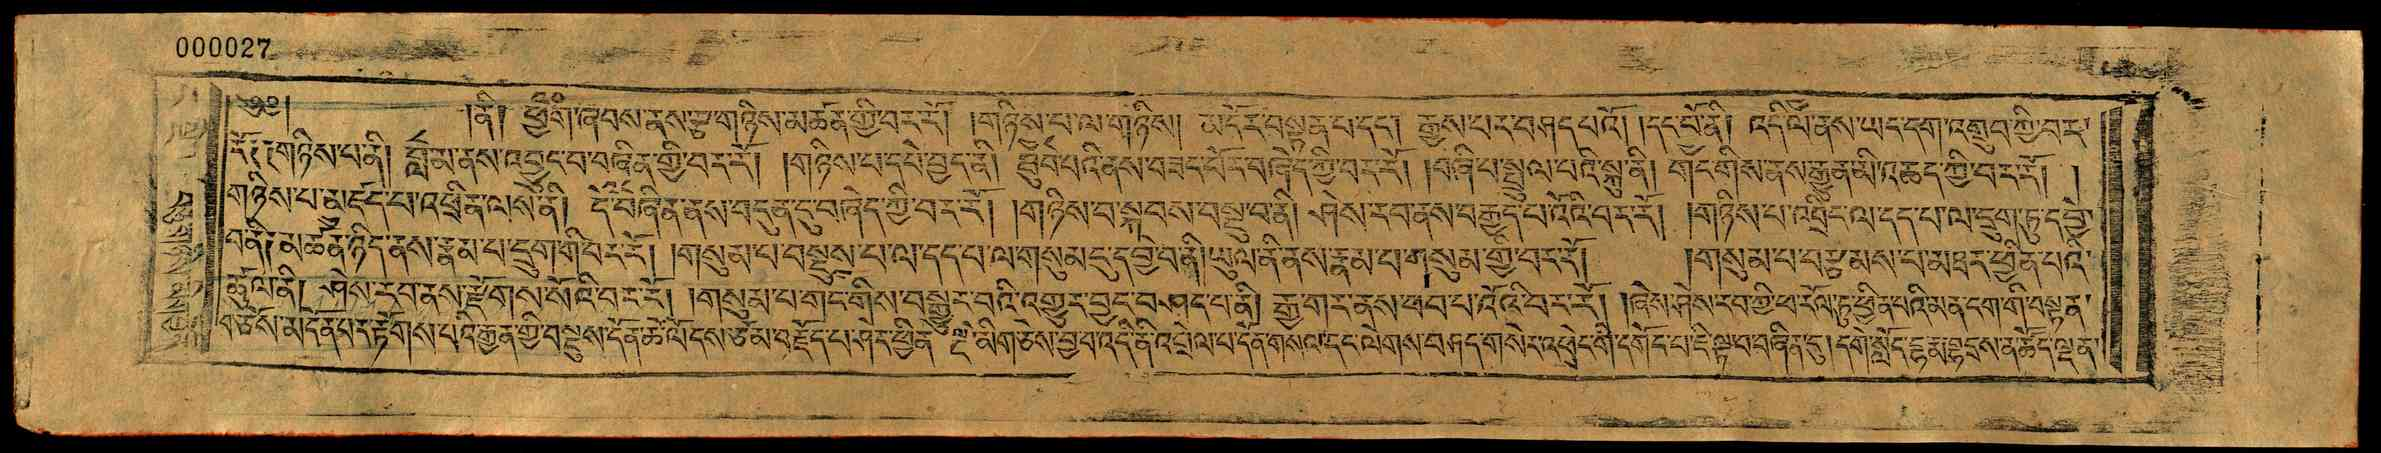༄༅། །ནི། ༢༠་ཕྱག་ཞབས་ནས་རྩ་གཉིས་མཚན་གྱི་བར་རོ། །གཉིས་པ་ལ་གཉིས། མདོར་བསྟན་པ་དང་། རྒྱས་པར་བཤད་པའོ། །དང་པོ་ནི། འདི ༤་ལ་ནས་ཡང་དག་འགྲུབ་ཀྱི་བར་
རོ༑ ༑གཉིས་པ་ནི། ༨་བླ་མ་ནས་འབྱུང་བ་བཞིན་གྱི་བར་རོ། །གཉིས་པ་དཔེ་བྱད་ནི། ༤༨་ཐུབ་པའི་ནས་བཟང་པོར་བཞེད་ཀྱི་བར་རོ། །བཞི་པ་སྤྲུལ་པའི་སྐུ་ནི། གང ༤་གིས་ནས་རྒྱུན་མི་འཆད་ཀྱི་བར་རོ། །
གཉིས་པ་མཛད་པ་འཕྲིན་ལས་ནི། དེ་བཞིན་ནས་བདུན་དུ་བཞེད་ཀྱི་བར་རོ། །གཉིས་པ་སྐབས་བསྡུ་བ་ནི། ཤེས་རབ་ནས་བརྒྱད་པ་འོའི་བར་རོ། །གཉིས་པ་འབྲིང་ལ་དད་པ་ལ་དྲུག་ཏུ་དབྱེ་
བ་ནི༑ མཚན ༤་ཉིད་ནས་རྣམ་པ་དྲུག་གི་བར་རོ། །གསུམ་པ་བསྡུས་པ་ལ་དད་པ་ལ་གསུམ་དུ་དབྱེ་བ་ན། ཡུལ་ནི་ནས་རྣམ་པ་གསུམ་གྱི་བར་རོ། །གསུམ་པ་བརྩམས་པ་མཐར་ཕྱིན་པའི་
ཚུལ་ནི། ཤེས་རབ་ནས་རྫོགས་སོའི་བར་རོ། །གསུམ་པ་གང་གིས་བསྒྱུར་བའི་འགྱུར་བྱང་བཤད་པ་ནི། རྒྱ་གར་ནས་ཕབ་པ་འོའི་བར་རོ། །ཞེས་ཤེས་རབ་ཀྱི་ཕ་རོལ་ཏུ་ཕྱིན་པའི་མན་ངག་གི་བསྟན་
བཅོས་མངོན་པར་རྟོགས་པའི་རྒྱན་གྱི་བསྡུས་དོན་ཆེ་ལོངས་ཙམ་བརྗོད་པ་ཤེར་ཕྱིན་ལྡེ་མིག་ཅེས་བྱ་བ་འདི་ནི་འགྲེལ་པ་དོན་གསལ་དང་ལེགས་བཤད་གསེར་འཕྲེང་གི་དགོངས་པ་ཇི་ལྟ་བ་བཞིན་དུ། དགེ་སློང་དྷརྨ་བྷ་དྲས་ན་ཚོད་ལྡན་